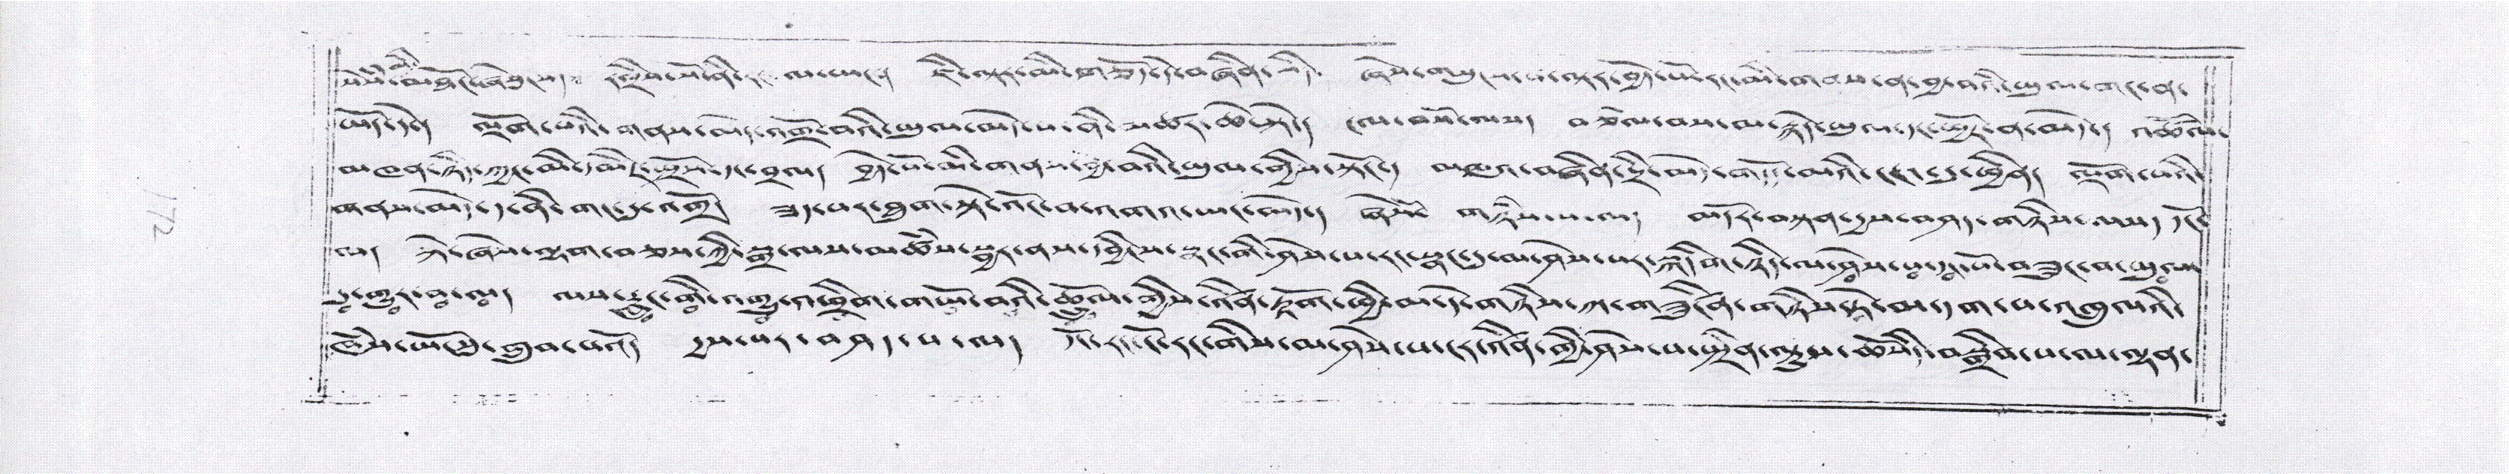སེམས་མི་མཐོང་ཞེས་གསུངས། རལ་གྲིས་སོ་ནི་རང་གིས་རང་། ཇི་ལྟར་མི་གཅོད་དེ་བཞིན་ཡིད། ཞེས་གསུངས་པ་ལྟར་བྱེད་པོ་རང་མི་གནས་ན་བྱ་བའི་ཡུལ་གང་ན་
ཡོེད་དེ། ལྡོག་པའི་གནས་མེད་འགྲོ་བའི་ཡུལ་མེད་པ་ནི་མཚར་ཆེ་སྟེ། ངལ་བསོ་ལས། བཙལ་བས་མ་རྙེད་ཡུལ་དང་ཕྱོགས་ན་མེད། འཚོལ་
མཁན་ཉིད་ཀྱང་མི་དམིགས་སྤྲོས་དང་བྲལ། བྱེད་པོ་མི་གནས་བྱ་བའི་ཡུལ་གྱིས་སྟོང་། མཁའ་བཞིན་དྲི་མེད་གདོད་མའི་ངང་དུ་ཕྱིན། ལྡོག་པའི་
གནས་མེད་ད་ནི་གང་དུ་འགྲོ། ཟད་པར་ཐུག་སྟེ་འོང་བ་འགའ་ཡང་མེད། ཅེས་སོ། གཉིས་པ་ལ། མདོར་བསྟན་རྒྱས་བཤད་གཉིས་ལས། དང་པོ་
ལ། སྟེ་ཞེས་ལྷག་བཅས་ཀྱི་སྒྲ་ལས་མཚམས་སྦྱར་ནས་དབྱིངས་སྣང་གི་ཤེས་པ་རང་སྣང་དུ་མ་ཤེས་པར་སྐད་ཅིག་ཉིད་ལ་ཤེས་པ་དང་པོ་བཟུང་བ་ཡུལ་
དུ་གྱུར་པ་ལ། ལས་རླུང་གི་འགྱུ་འཕྲིག་གཡོ་བའི་ཆོ་འཕྲུལ་གྱིས། འཛིན་རྟོག་ཕྱི་མ་དེ་གཉིས་ཀ་གཟུང་འཛིན་གཉིས་ཏེ་མ་དག་པ་འཁྲུལ་པའི་
ཁམས་ཡོངས་སུ་གྲུབ་པའོ། རྒྱས་པར་བཤད་པ་ལ། དང་པོ་རང་ངོ་རང་གིས་མ་ཤེས་པ་ངར་འཛིན་གྱི་ཤེས་པ་སྤྲིན་ལྟ་བུས་ཆོས་ཉིད་བསྒྲིབས་པ་ལ་ལྷན་